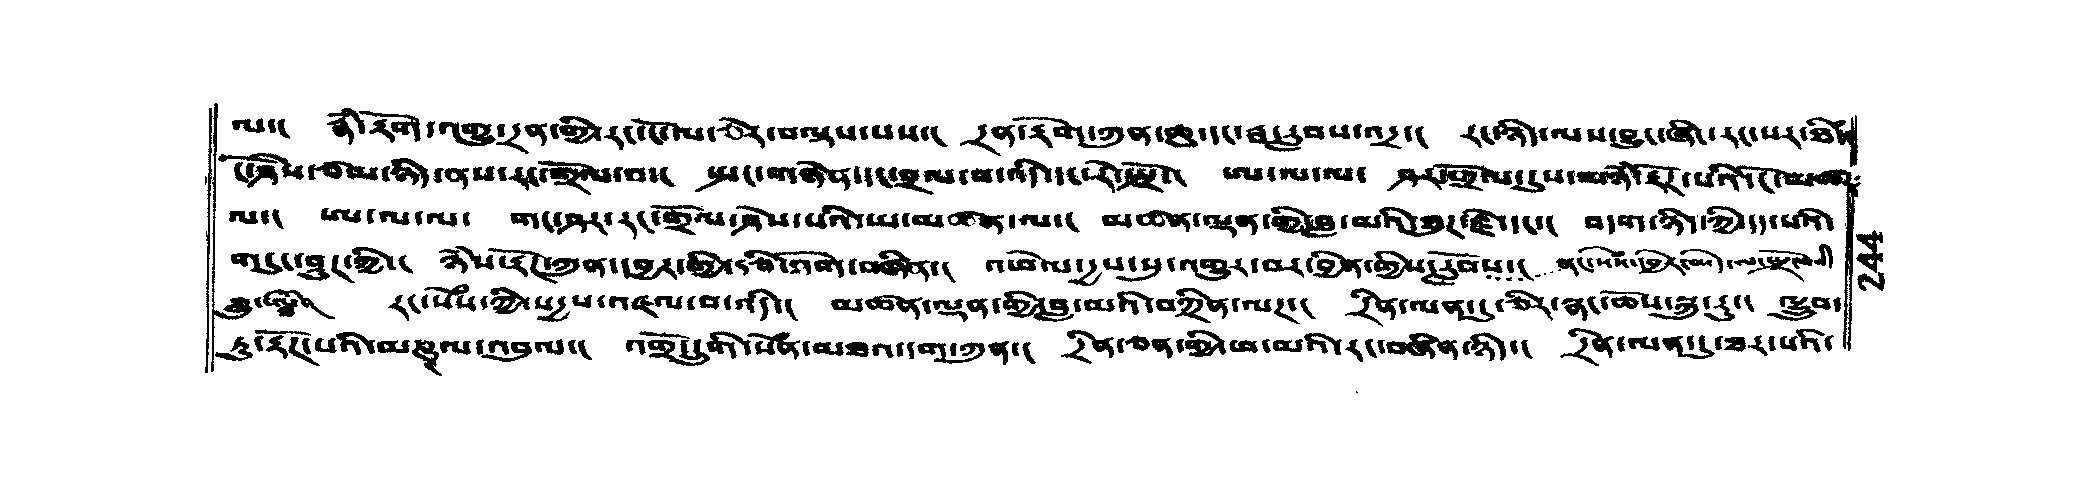ལ། །རྣམ་རྟོག་འགྱུ་དྲན་གྱི་རང་ངོ་ལ་ཅེར་བལྟས་པས། དྲན་རྟོག་ཀུན་ཆུ་དང་རྦ་རླབས་འདྲ། །རང་ཉིད་ལས་བྱུང་ཞིང་རང་སར་ཐིམ། །
ངོ་ཤེས་ཙམ་ཉིད་ནས་རང་གྲོལ་བ། །སྤང་གཉེན་དང་བྲལ་བ་འདི་དག་རེ་སྤྲོ། ཨ་ལ་ལ། ཤར་གྲོལ་དུས་མཉམ་རྟོགས་པའི་ངོ་མཚར་
ལ། ཨ་ལ་ལ། གང་ཤར་རང་གྲོལ་ཤེས་པའི་ཡ་མཚན་ལ། །མཚན་ལྡན་གྱི་བླ་མའི་ཐུགས་རྗེ་དང་། །བདག་ཉིད་ཀྱི་དད་པའི་
གདུང་ཤུགས་ཀྱི། །ཉམས་རྟོགས་ཀུན་དབྱར་གྱི་རྩི་ཐོག་བཞིན། །འཕེལ་རྒྱས་སུ་འགྱུར་བར་བྱིན་གྱིས་རློབས། ནང་སེམས་དབྱེར་མེད་ལ་སྤྲོ་བའི་
གླུ་། རང་སེམས་ཀྱི་སངས་རྒྱས་འཇལ་བ་འདི། །མཚན་ལྡན་གྱི་བླ་མའི་བཀའ་དྲིན་ལགས། །དྲིན་ལན་དུ་ཅིར་སྣང་ཆོས་སྐུ་རུ། །ལྷུན་
འགྲུབ་ཏུ་རྟོགས་པའི་མཎྜལ་འབུལ། །འགྲོ་དྲུག་གི་སེམས་ཅན་མཐའ་དག་ཀུན། །དྲིན་ཅན་གྱི་ཕ་མའི་རང་བཞིན་ཉིད། །དྲིན་ལན་དུ་ཐར་པའི་